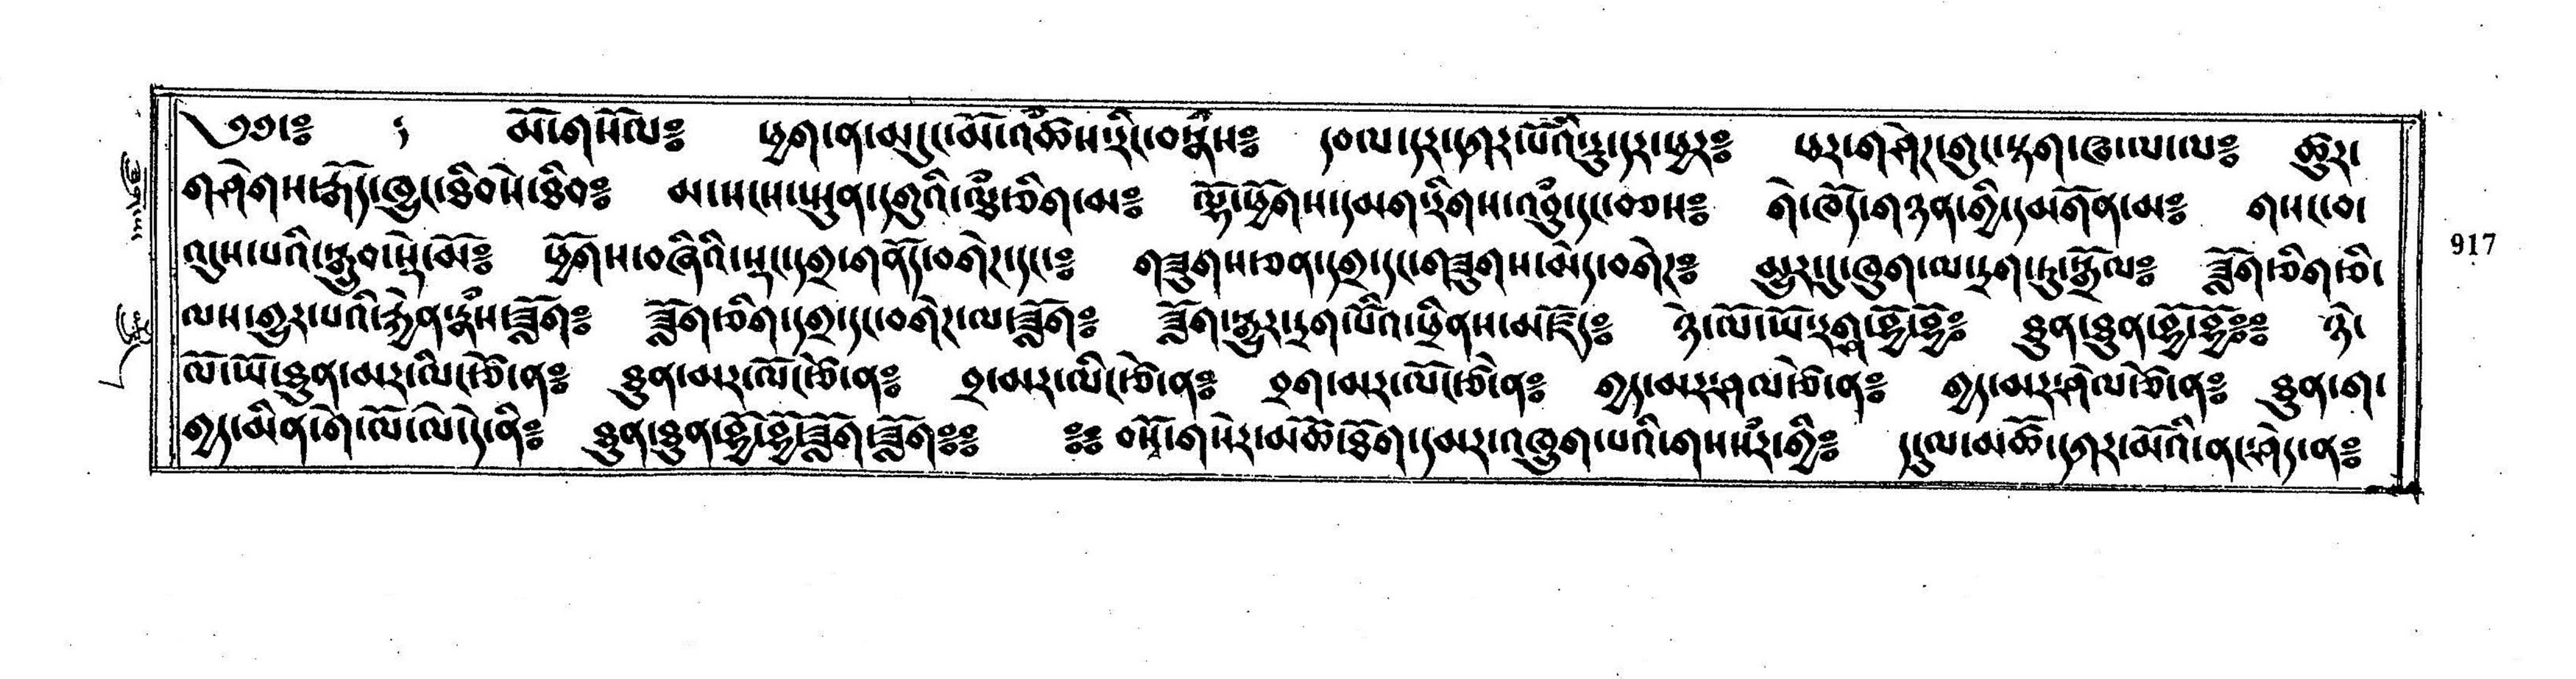མོ་གསོལ༔ ཕྱག་ན་མདུང་མོ་འཚམས་རིང་བསྣམས༔ དབལ་དར་དཀར་པོའི་རུ་དར་ཕྱར༔ ཕར་གཤེགས་གུང་སྟག་ཝ་ལ་ལ༔ ཚུར་
གཤེགས་རྒོད་ཁྱུང་ཐིབསེ་ཐིབ༔ མ་སངས་སྤུན་དགུའི་ལྕམ་ཅིག་མ༔ ལྷོ་ཕྱོགས་དམག་རིགས་འབུམ་དང་བཅས༔ གེ་ཁོད་གཉན་གྱི་དམག་དཔོན་མ༔ གསང་བ་
འདུས་པའི་སྒྲུབ་སྡེ་མོ༔ ཕྱོགས་བཞིའི་སྡང་དགྲ་གནོད་བགེགས་དང་༔ གཟུགས་ཅན་དགྲ་དང་གཟུགས་མེད་བགེགས༔ མྱུར་དུ་ཁུག་ལ་དྲག་ཏུ་སྒྲོལ༔ ཟློག་ཅིག་ཅི་
ལས་གྱུར་པའི་རྐྱེན་རྣམས་ཟློག༔ ཟློག་ཅིག་དགྲ་དང་བགེགས་ལ་ཟློག༔ ཟློག་སྒྱུར་དྲག་པོའི་ཕྲིན་ལས་མཛོད༔ ཉེ་ལོ་ཡོ་རགྴ་བྷྱོ་བྷྱོ༔ ཐུན་ཐུན་བྷྱོ་བྷྱོ༔༔ ཉེ་
ལོ་ཡོ་ཐུན་མར་ལིང་ཙེ་ན༔ ཐུན་མར་ལོང་ཙེ་ན༔ བྲ་མར་ལིང་ཙེ་ན༔ བྲག་མར་ལོང་ཙེ་ན༔ གྱད་མར་ཤལ་ཙེ་ན༔ གྱད་མར་ཤེལ་ཙེ་ན༔ ཐུན་ག་
གྱད་མིན་གེ་ལོ་ལེ་དེ་ནི༔ ཐུན་ཐུན་བྷྱོ་བྷྱོ་ཟློག་ཟློག༔༔ ༔༔བསྭོ་གསེར་མཚོ་ཐོག་དམར་འཁྲུག་པའི་གསས་མཁར་གྱི༔ དངུལ་མཚོ་དཀར་མོའི་ནང་ཤེད་ན༔